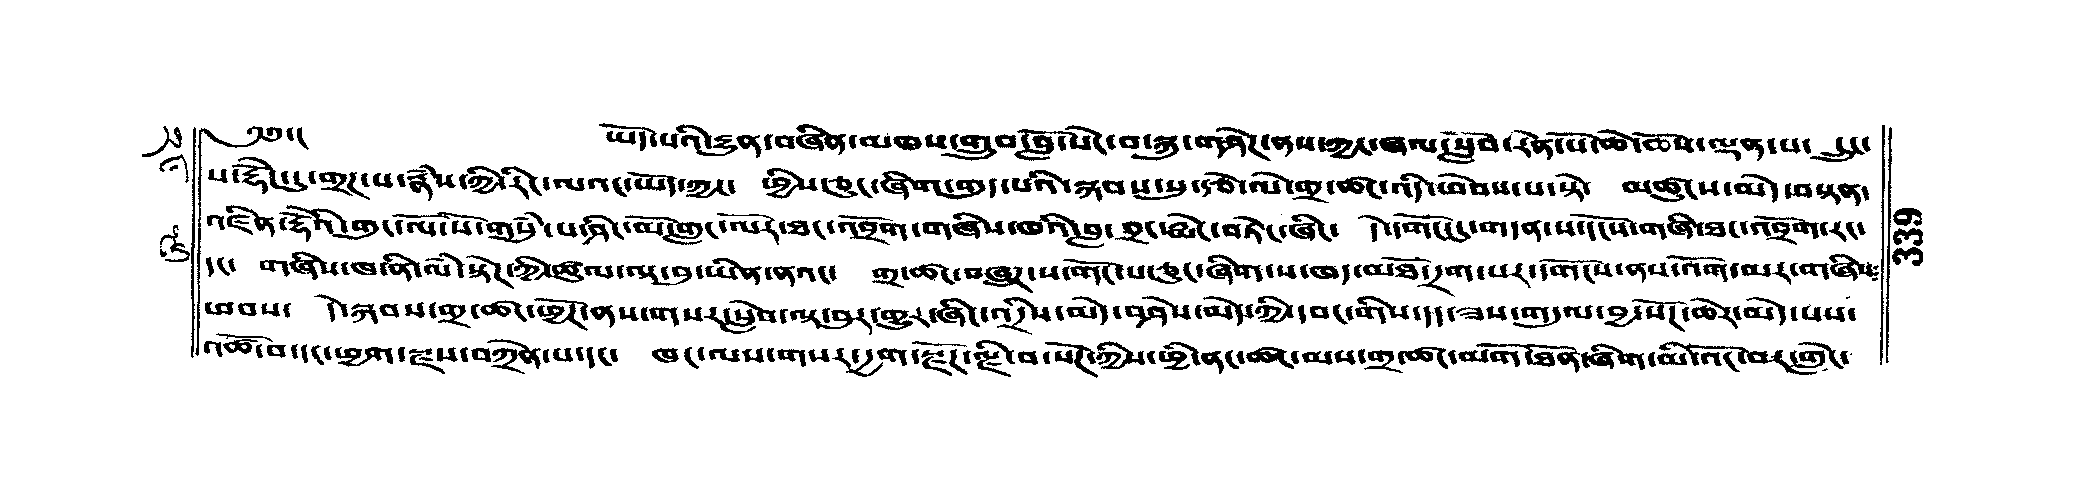ཡོད་པའི་བརྒྱུན་བཞིན་མཁས་གྲུབ་བློ་སེང་བ་སྐུ་གཤེགས་ནས་ཀྱང་ཞལ་སློབ་རིན་པོ་ཆེ་ཆོས་ལྡན་པ། དྲུང་
པ་རྡོ་རྗེ་འཆང་དུ་གྲགས་པ་རྣམས་ཀྱི་རིང་ལའང་ཡོད་ཀྱང་། ཕྱིས་ཅུང་ཞིག་རྒུད་པའི་སྐབས་སུ་རྩེ་ལེ་གྲྭ་ཚང་འདི་ཕེབས་པ་སྟེ། མཚུངས་མེད་བསྟན་
འཛིན་རྡོ་རྗེའི་དགུང་ལོ་སོ་གསུམ་པ་ཤིང་མོ་གླང་ལོར་ཐང་འབྲོག་གཞིས་ཁའི་བླ་བྲང་རྨང་བཏིང་ཞིང་། དེ་དགོང་དུ་གདན་ས་དངོས་གཞི་ཐང་འབྲོག་རང་
དང་། གཞིས་ཁ་ནི་ལམ་སྟེགས་ཀྱི་ཚུལ་ལྟ་བུ་ཡིན་ནའང་། གྲྭ་ཚང་བཞུགས་ས་གོང་མ་ཅུང་ཞིག་ས་ཁད་མཐོ་དྲག་པར་དགོངས་ནས་འོག་མར་གཞིས་
ཕབས། དེ་སྐབས་གྲྭ་ཚང་ཕྱོགས་ནས་གསར་སླེབ་ལྟ་བུར་གྱུར་ཞིང་འདྲིས་མེད་བཤེས་མེད་ཀྱི་དབང་གིས་དད་ཟས་གདུལ་བྱ་སོགས་ཆེར་མེད་པས་
འཚོ་བ་དང་ཕྱག་རྫས་བཀྲེན་པ་དང་། ཁང་ལས་གསར་རྒྱག་རྫོགས་ལྗི་བ་སོགས་ཀྱི་ཕྱི་ནང་ཚང་མས་གྲྭ་ཚང་མགོ་ཐོན་ཞིག་མི་འོང་བར་གླེང་